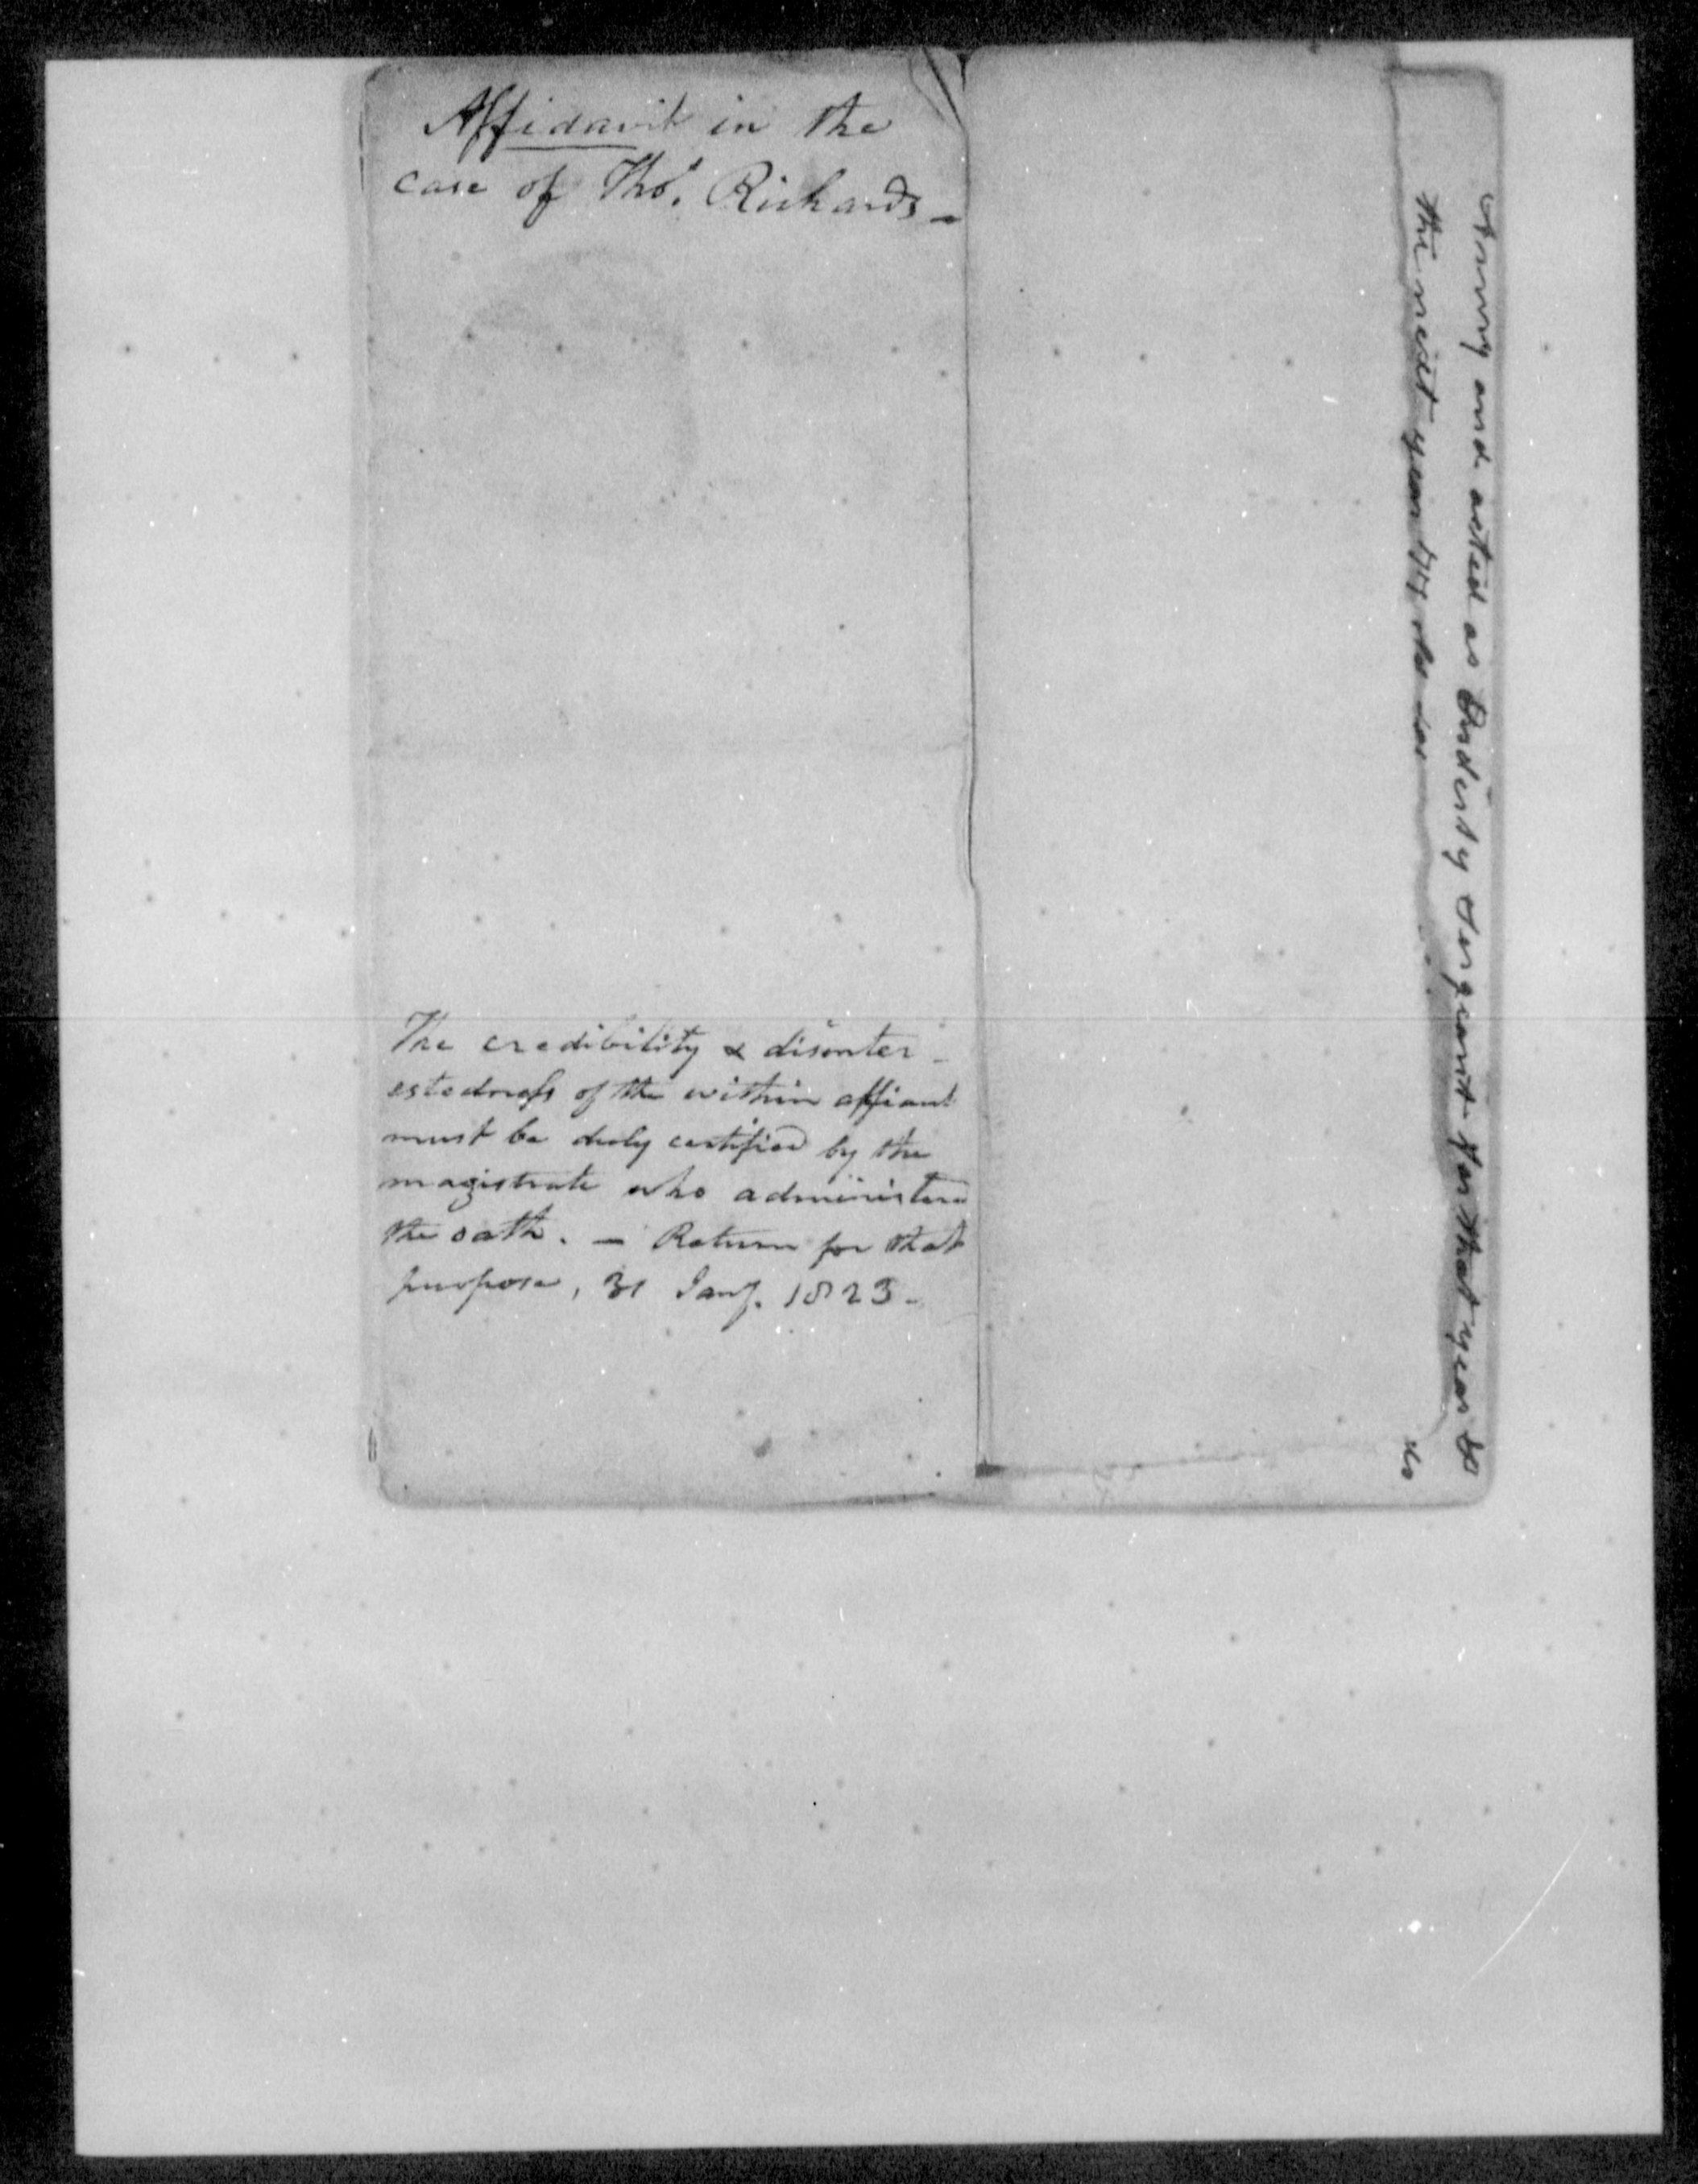Affidavit in the
case of Thos. [THOMAS] Richards -
The credibility & disinterestedness of the within affiant must be duly certified by the magistrate who administered the oath.-- Return for that
purpose, 31 Jany [JANUARY] 1823
Army and acted as Orderly sergeant for that year & the next year [17]77 [illegible]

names: Thos Richards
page: 37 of 109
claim: widow's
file: W. 5709, for Thomas Richards, New Hampshire